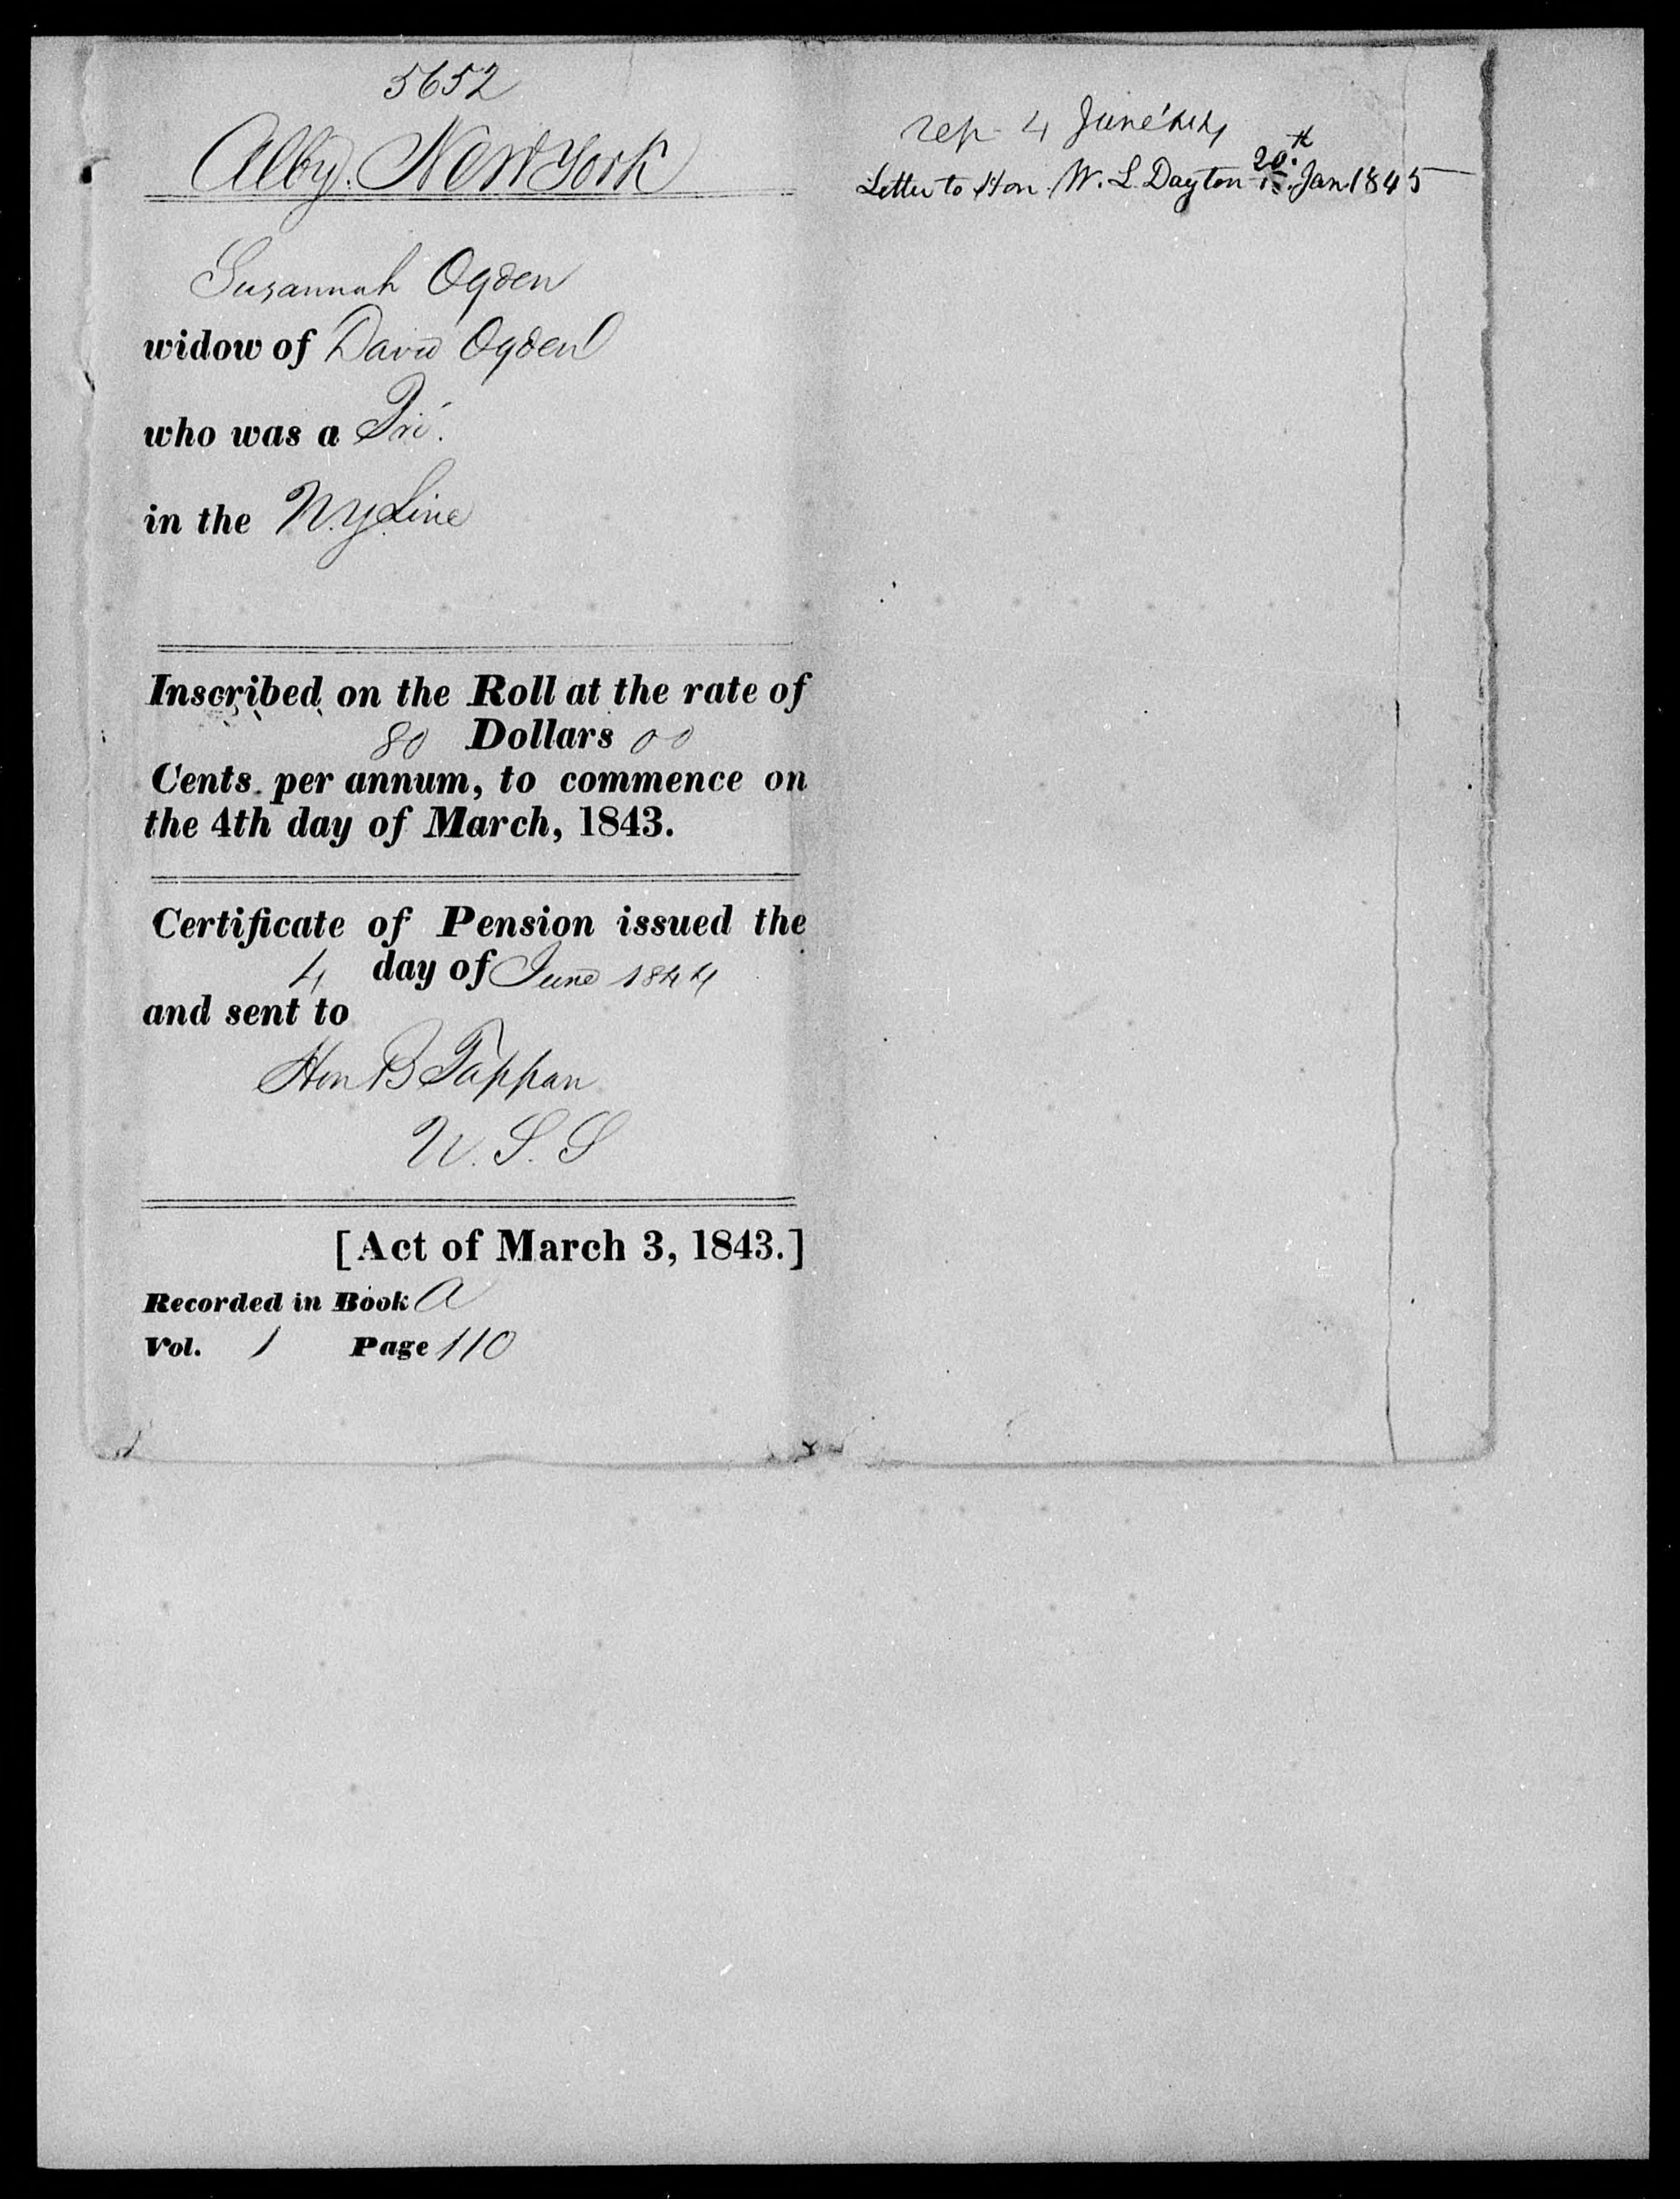[two-column page]

[left side]
5652
Alby New York

Suzannah Ogden
widow of David Ogden
who was a Pri.
in the N.Y. Line

Inscribed on the Roll at the rate of
80 Dollars 00
Cents per annum, to commence on
the 4th day of March, 1843.

Certificate of Pension issued the
4 day of June 1844
and sent to
Hon B. Tappan
U. S. S.

[Act of March 3, 1843.]
Recorded in Book A
Vol.1 Page 110

[right side] 
rep - 4 June '44
Letter to Hon. W. L. Dayton 20th Jan 1845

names: David Ogden; B Tappan; W L Dayton; Susannah Ogden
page: 27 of 40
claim: widow's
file: W. 24364, for David Ogden, New York